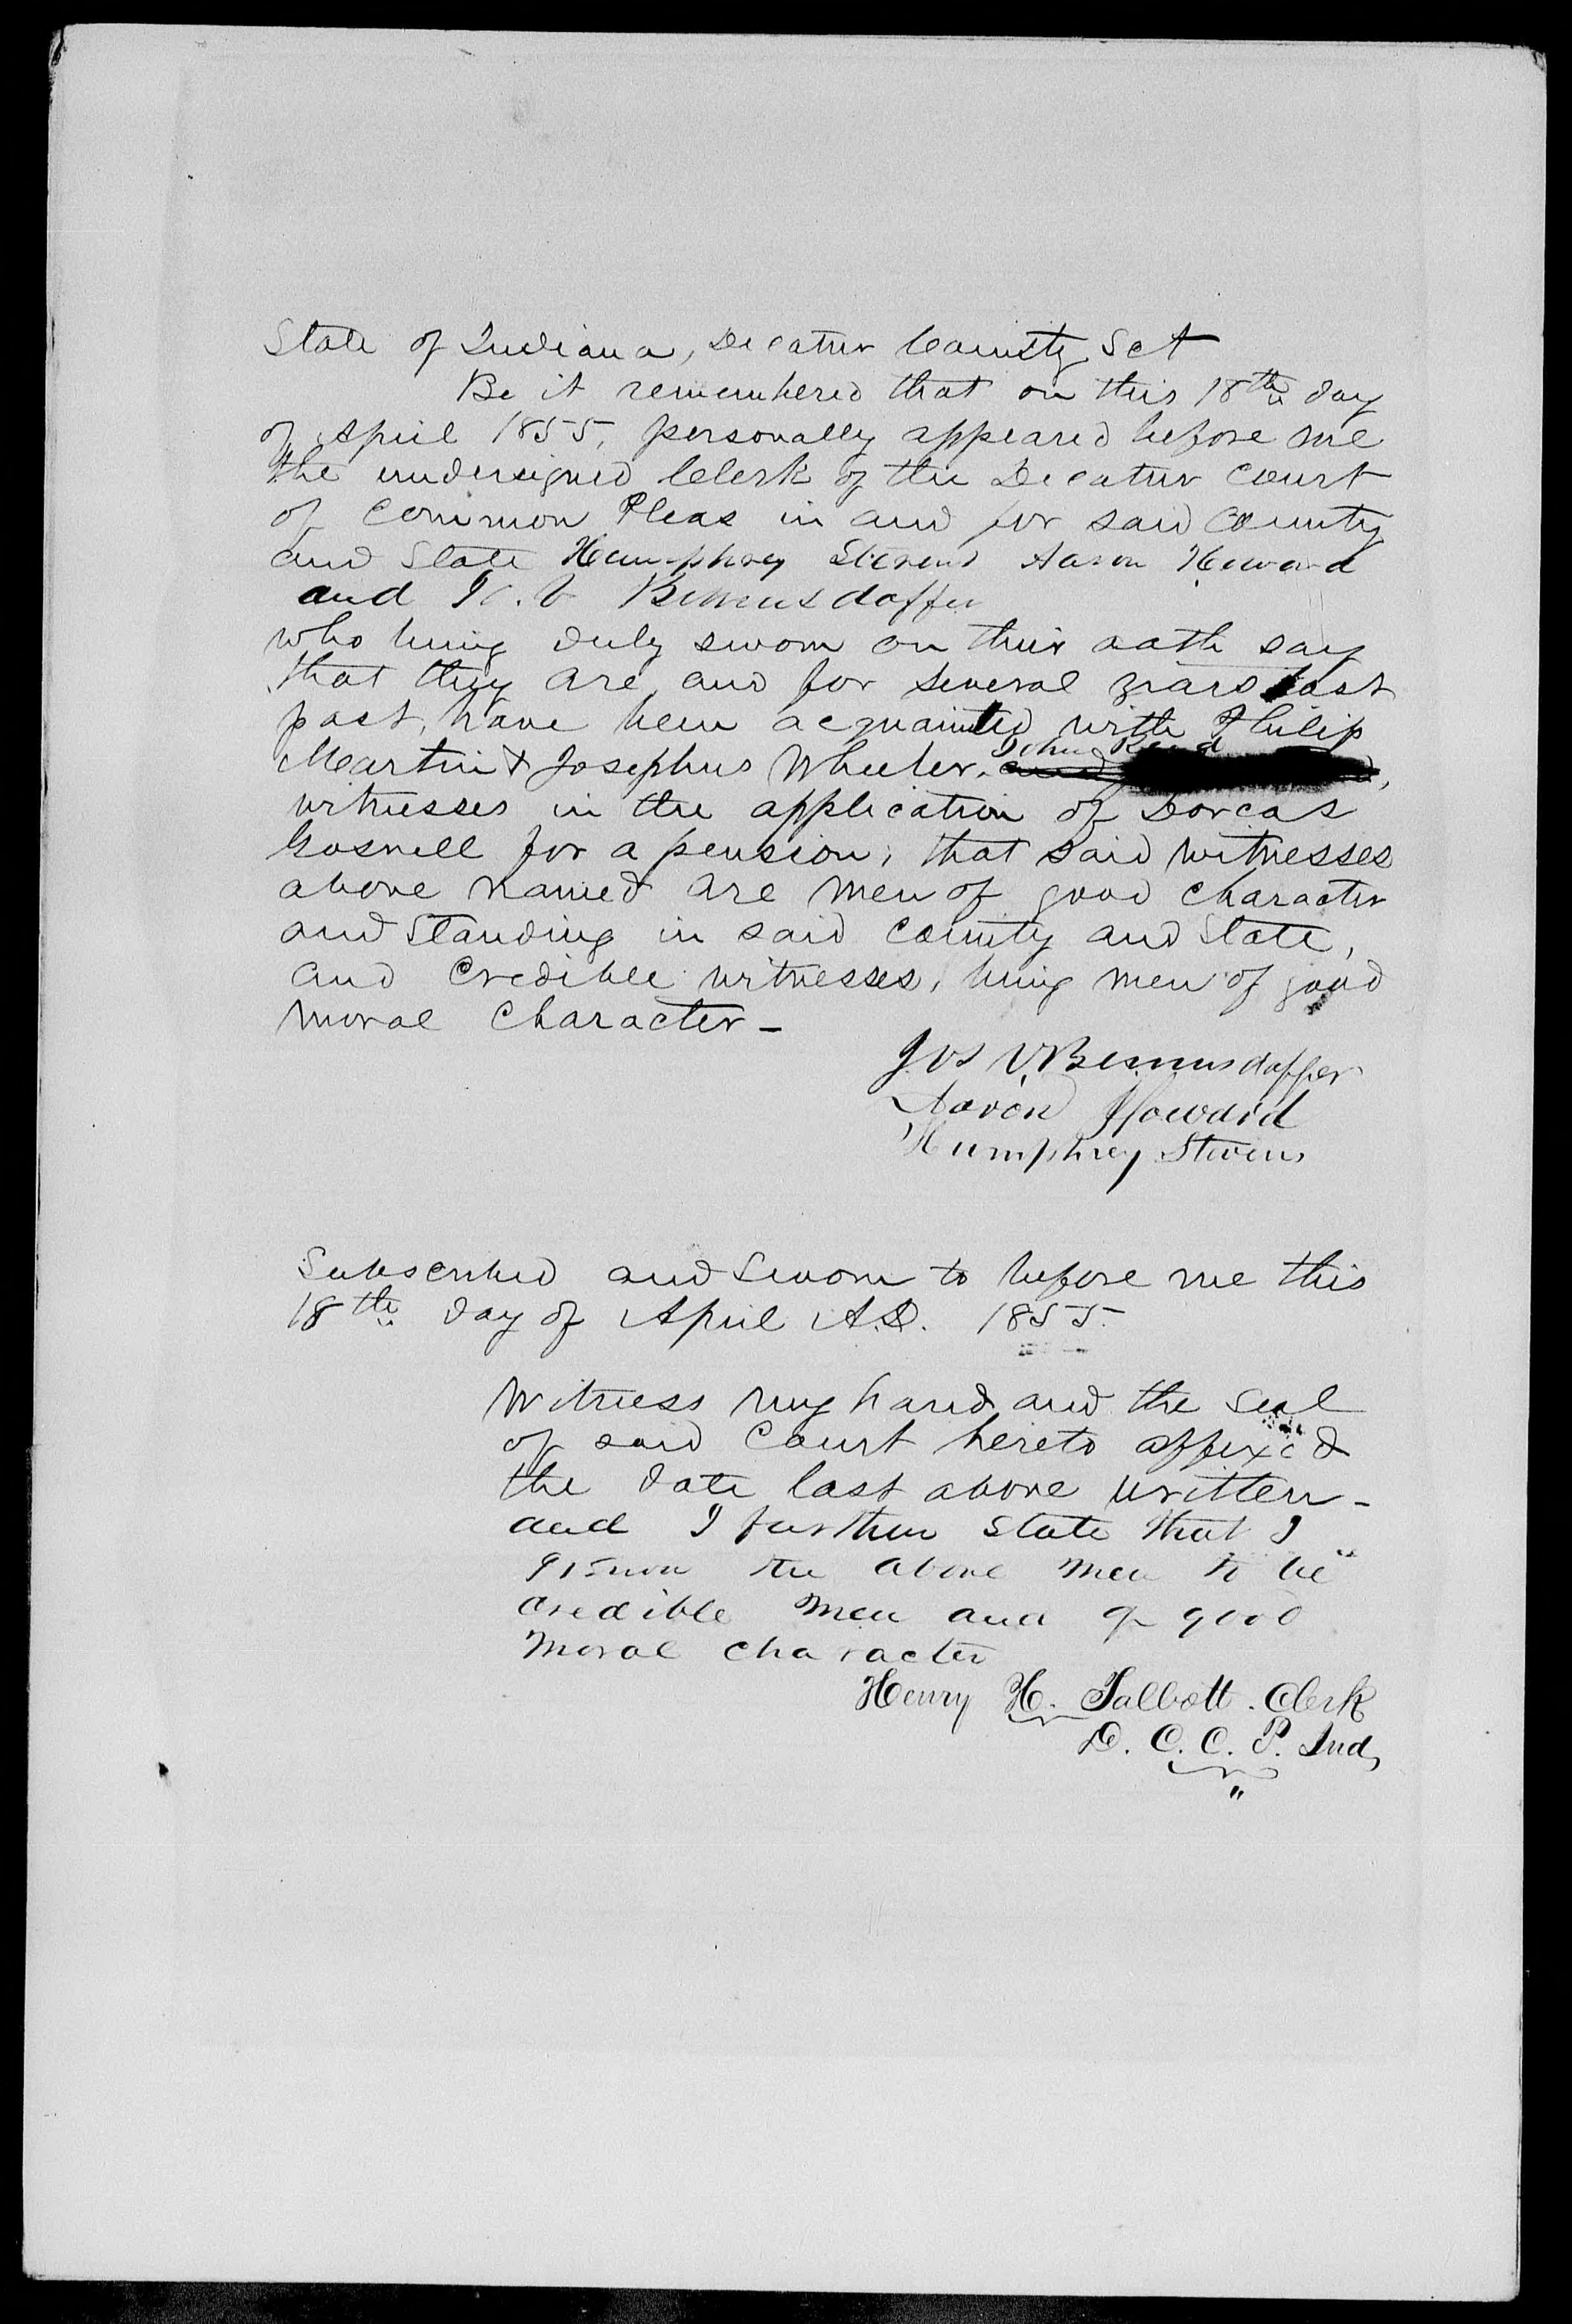State of Indiana, Decatur County Set
Be it remembered that on this 18th day of April 1855, personally appeared before me the undersigned Clerk of the Decatur Court of Common Pleas in and for said County and State Humphrey Stevens Aaron Howard and Jo. V Bemusdoffer 
who being duly sworn on their oath say that they are and for several years past, have been acquainted with Philip Martin & Josephus Wheeler John Reed [large section scratched through, illegible] witnesses in the application of Dorcas Gosnell for a pension; that said witnesses above named are men of good character and standing in said county and state and credible witnesses, being men of good moral character -
Jos V Bemusdoffer
Aaron Howard
Humphrey Stevens

Subscribed and Sworn to before me this 18th day of April A.D. 1855
Witness my hand and the seal of said Court hereto affixed the date last above written - and I further state that I consider the above men to be credible men and of good moral character
Henry H Talbott. Clerk
D.C.C.P. Ind"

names: Aaron Howard, Humphrey Stevens, Humphrey Stevens, John Reed, Josephus Wheeler, Dorcas Gosnell, Jos V Bemusdoffer, Aaron Howard, Henry H Talbott, Philip Martin, Jo V Bemusdoffer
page: 37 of 39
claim: widow's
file: W. 11060, Benjamin Gosnell, Va.